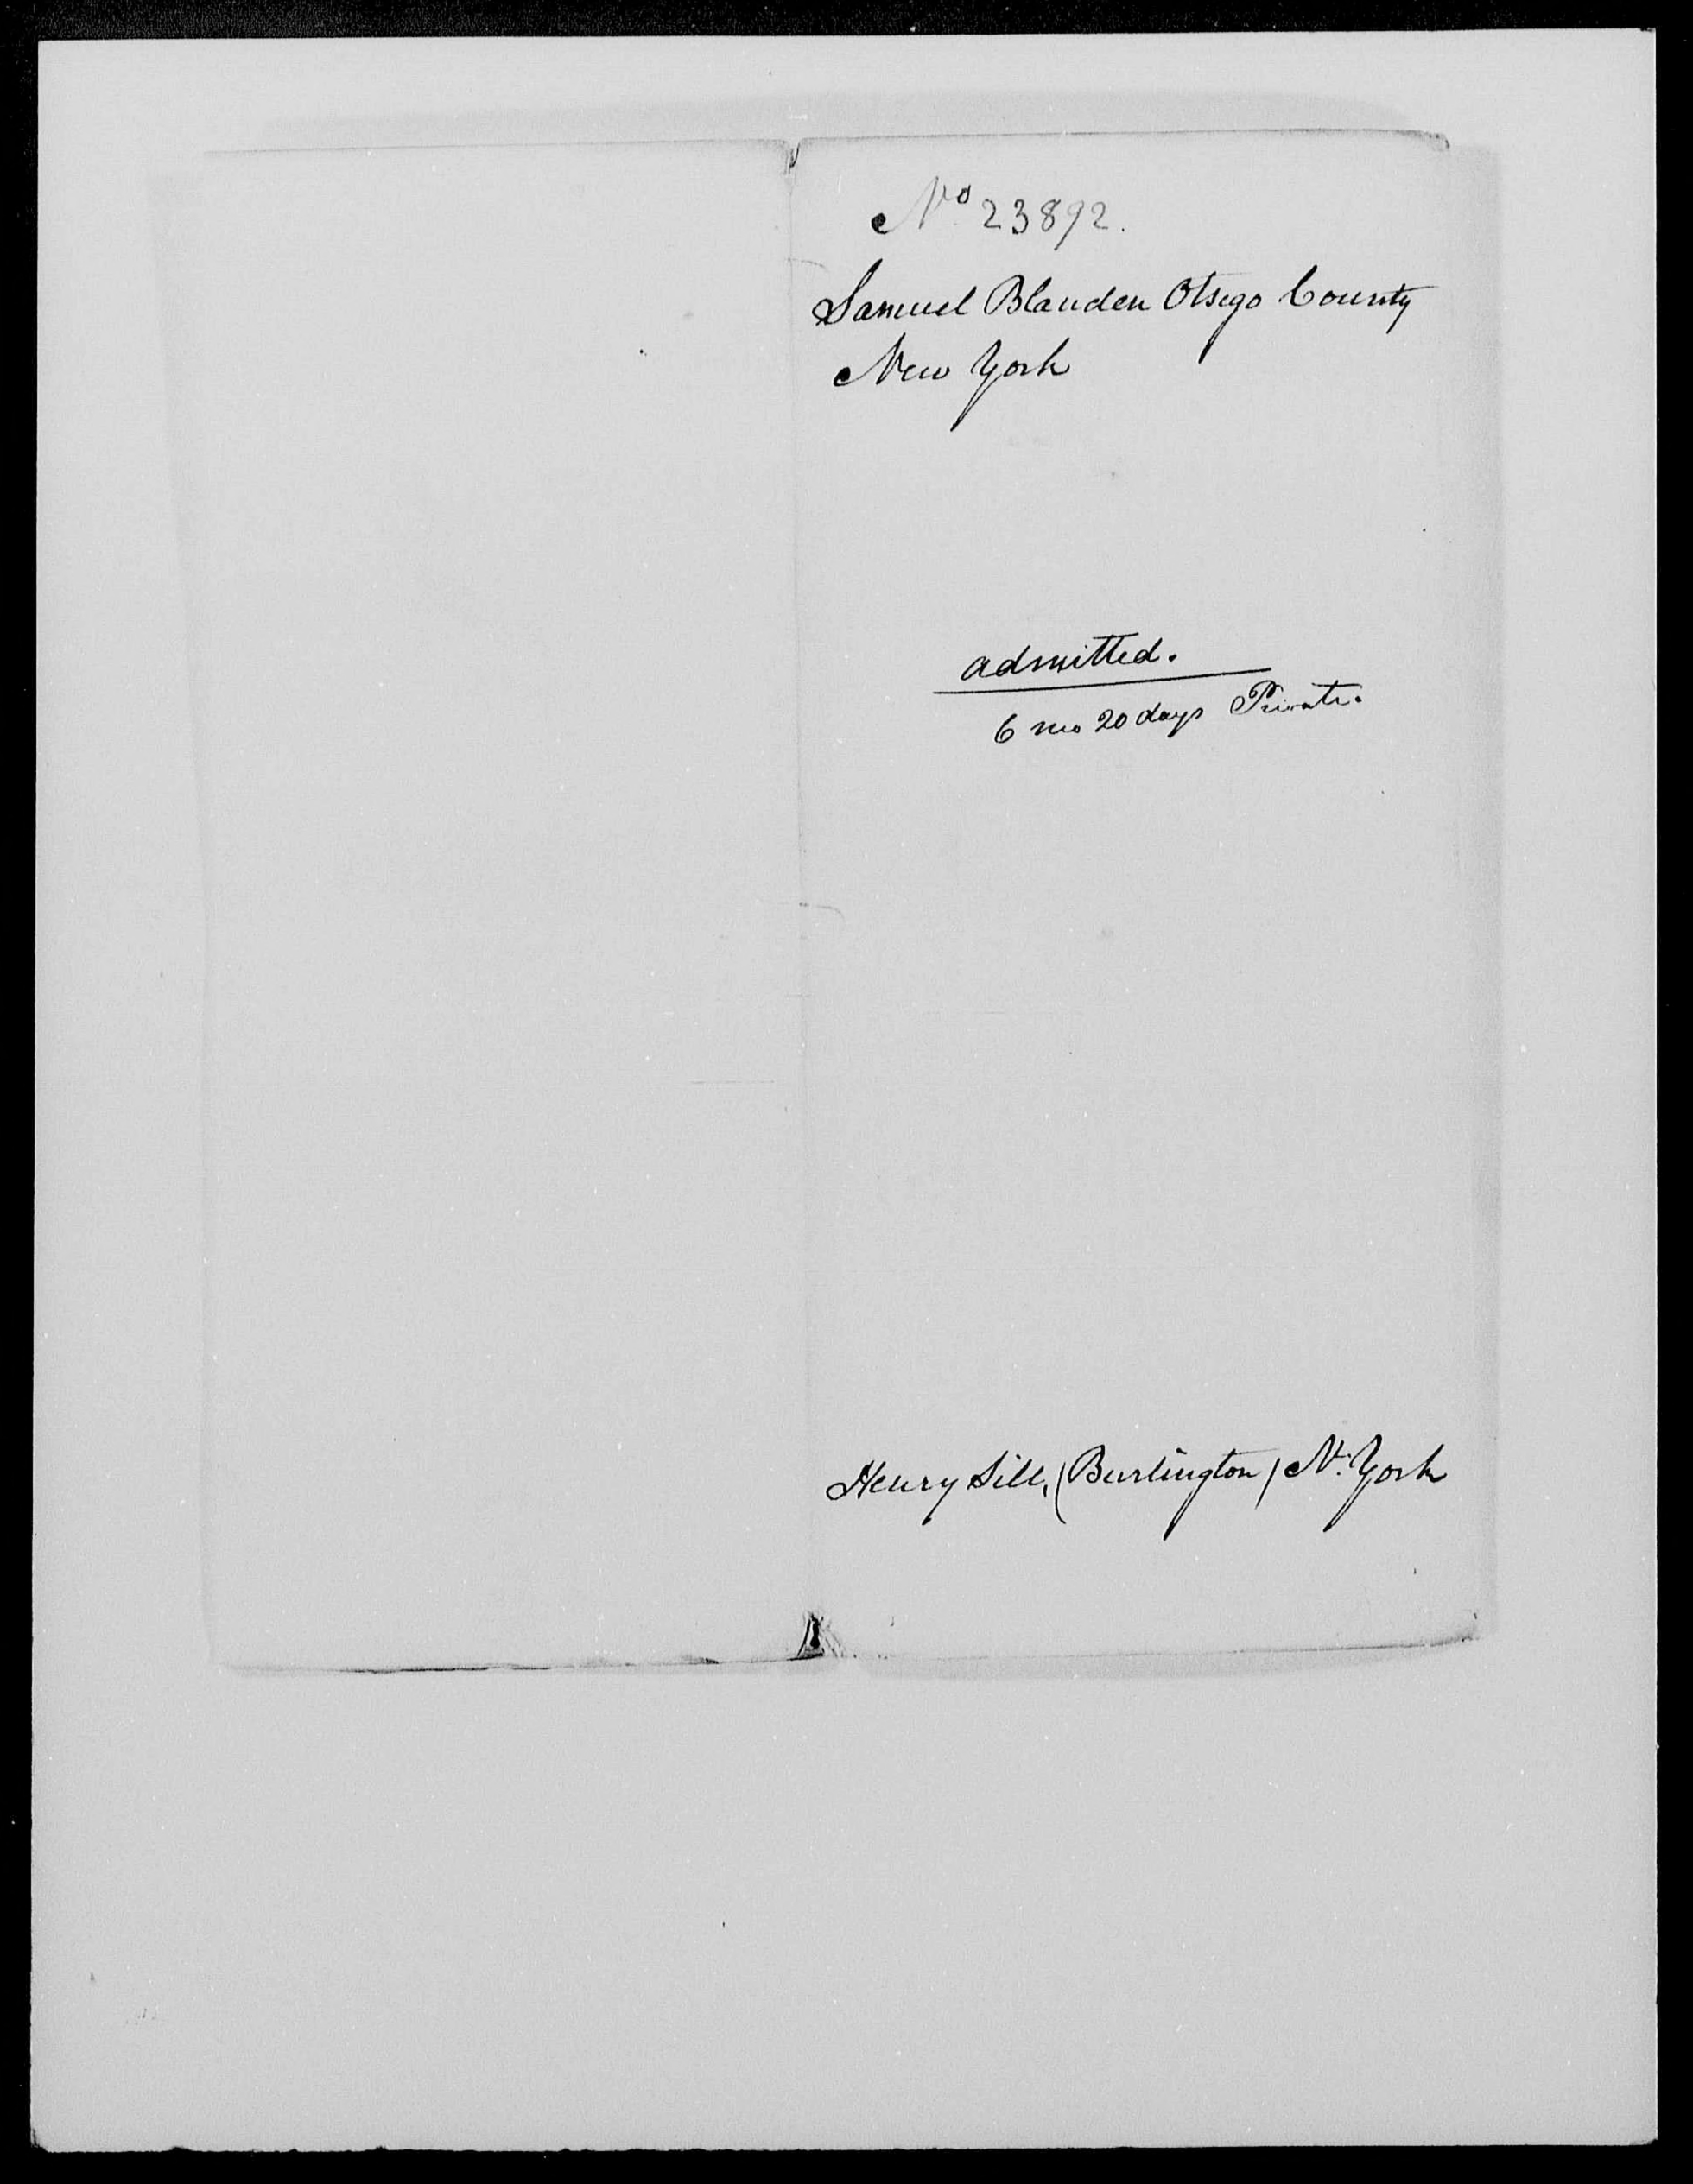No 23892
Samuel Blanden Otsego County
New York

admitted
6 mo 20 days Private


Henry Sill (Burlington) N. York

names: Samuel Blanden, Henry Sill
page: 7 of 14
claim: survivor's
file: S. 10389, Samuel Blanden, Conn. Mass